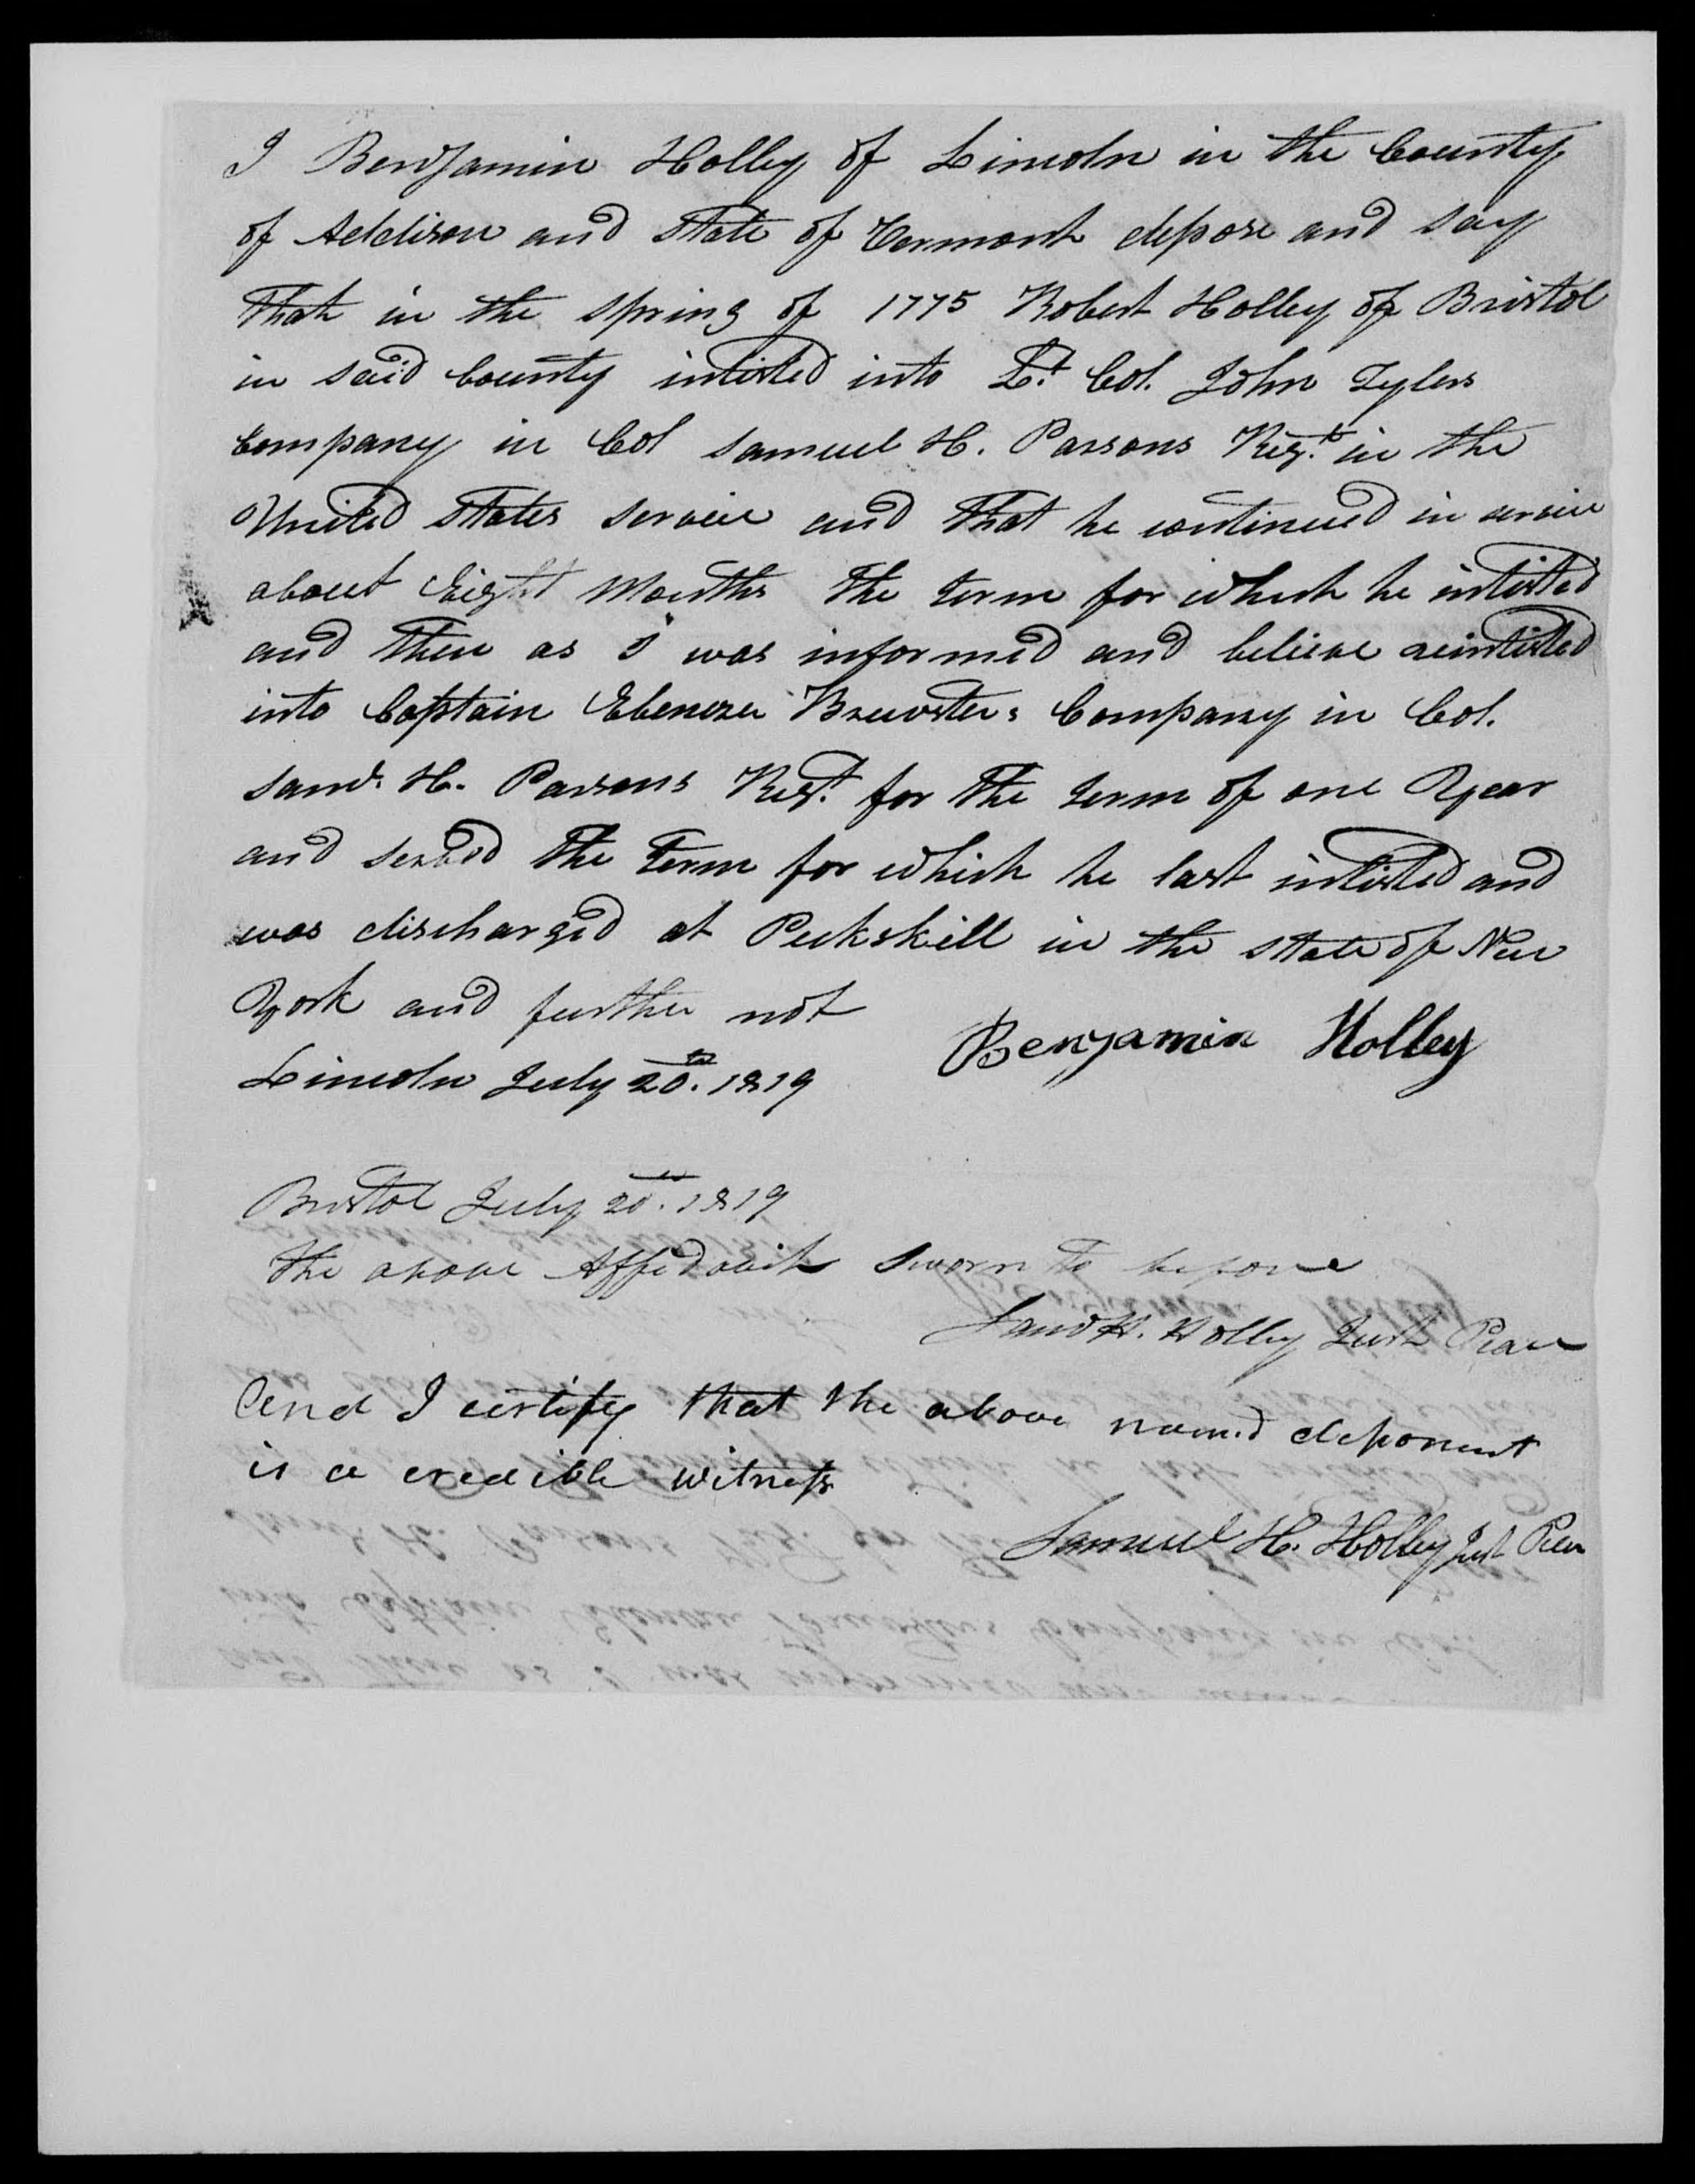I Benjamin Holley of Lincoln in the County
of Addison and State of Vermont depose and say
that in the spring of 1775 Robert Holley of Bristol
in said County inlisted into Lt. Col. John Tylers
company in Samuel H. Parsons Regt in the
United States service and that he continued in service
about Eight months the term for which he inlisted
and there as I was informed and believe enlisted
into Captain Ebenezer Brewster Company in Col.
Saml H. Parsons Regt for the term of one year
and served the term for which he last inlisted [enlisted] and
was discharged at Peekskill in the State of New York
and further not
Lincoln July 20th 1819
Benjamin Holley

Bristol July 20th 1819
the above Affidavit sworn to before me
Sam'l H. Holley Just Peace

and I certify that the above named deponent
is a credible witness
Samuel H. Holley Just Peace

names: Samuel H Holley, Samuel H Parsons, Saml H Holley, Benjamin Holley, Benjamin Holley, Robert Holley, John Tyler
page: 23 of 62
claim: widow's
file: W. 21391, Robert Holley, Conn.